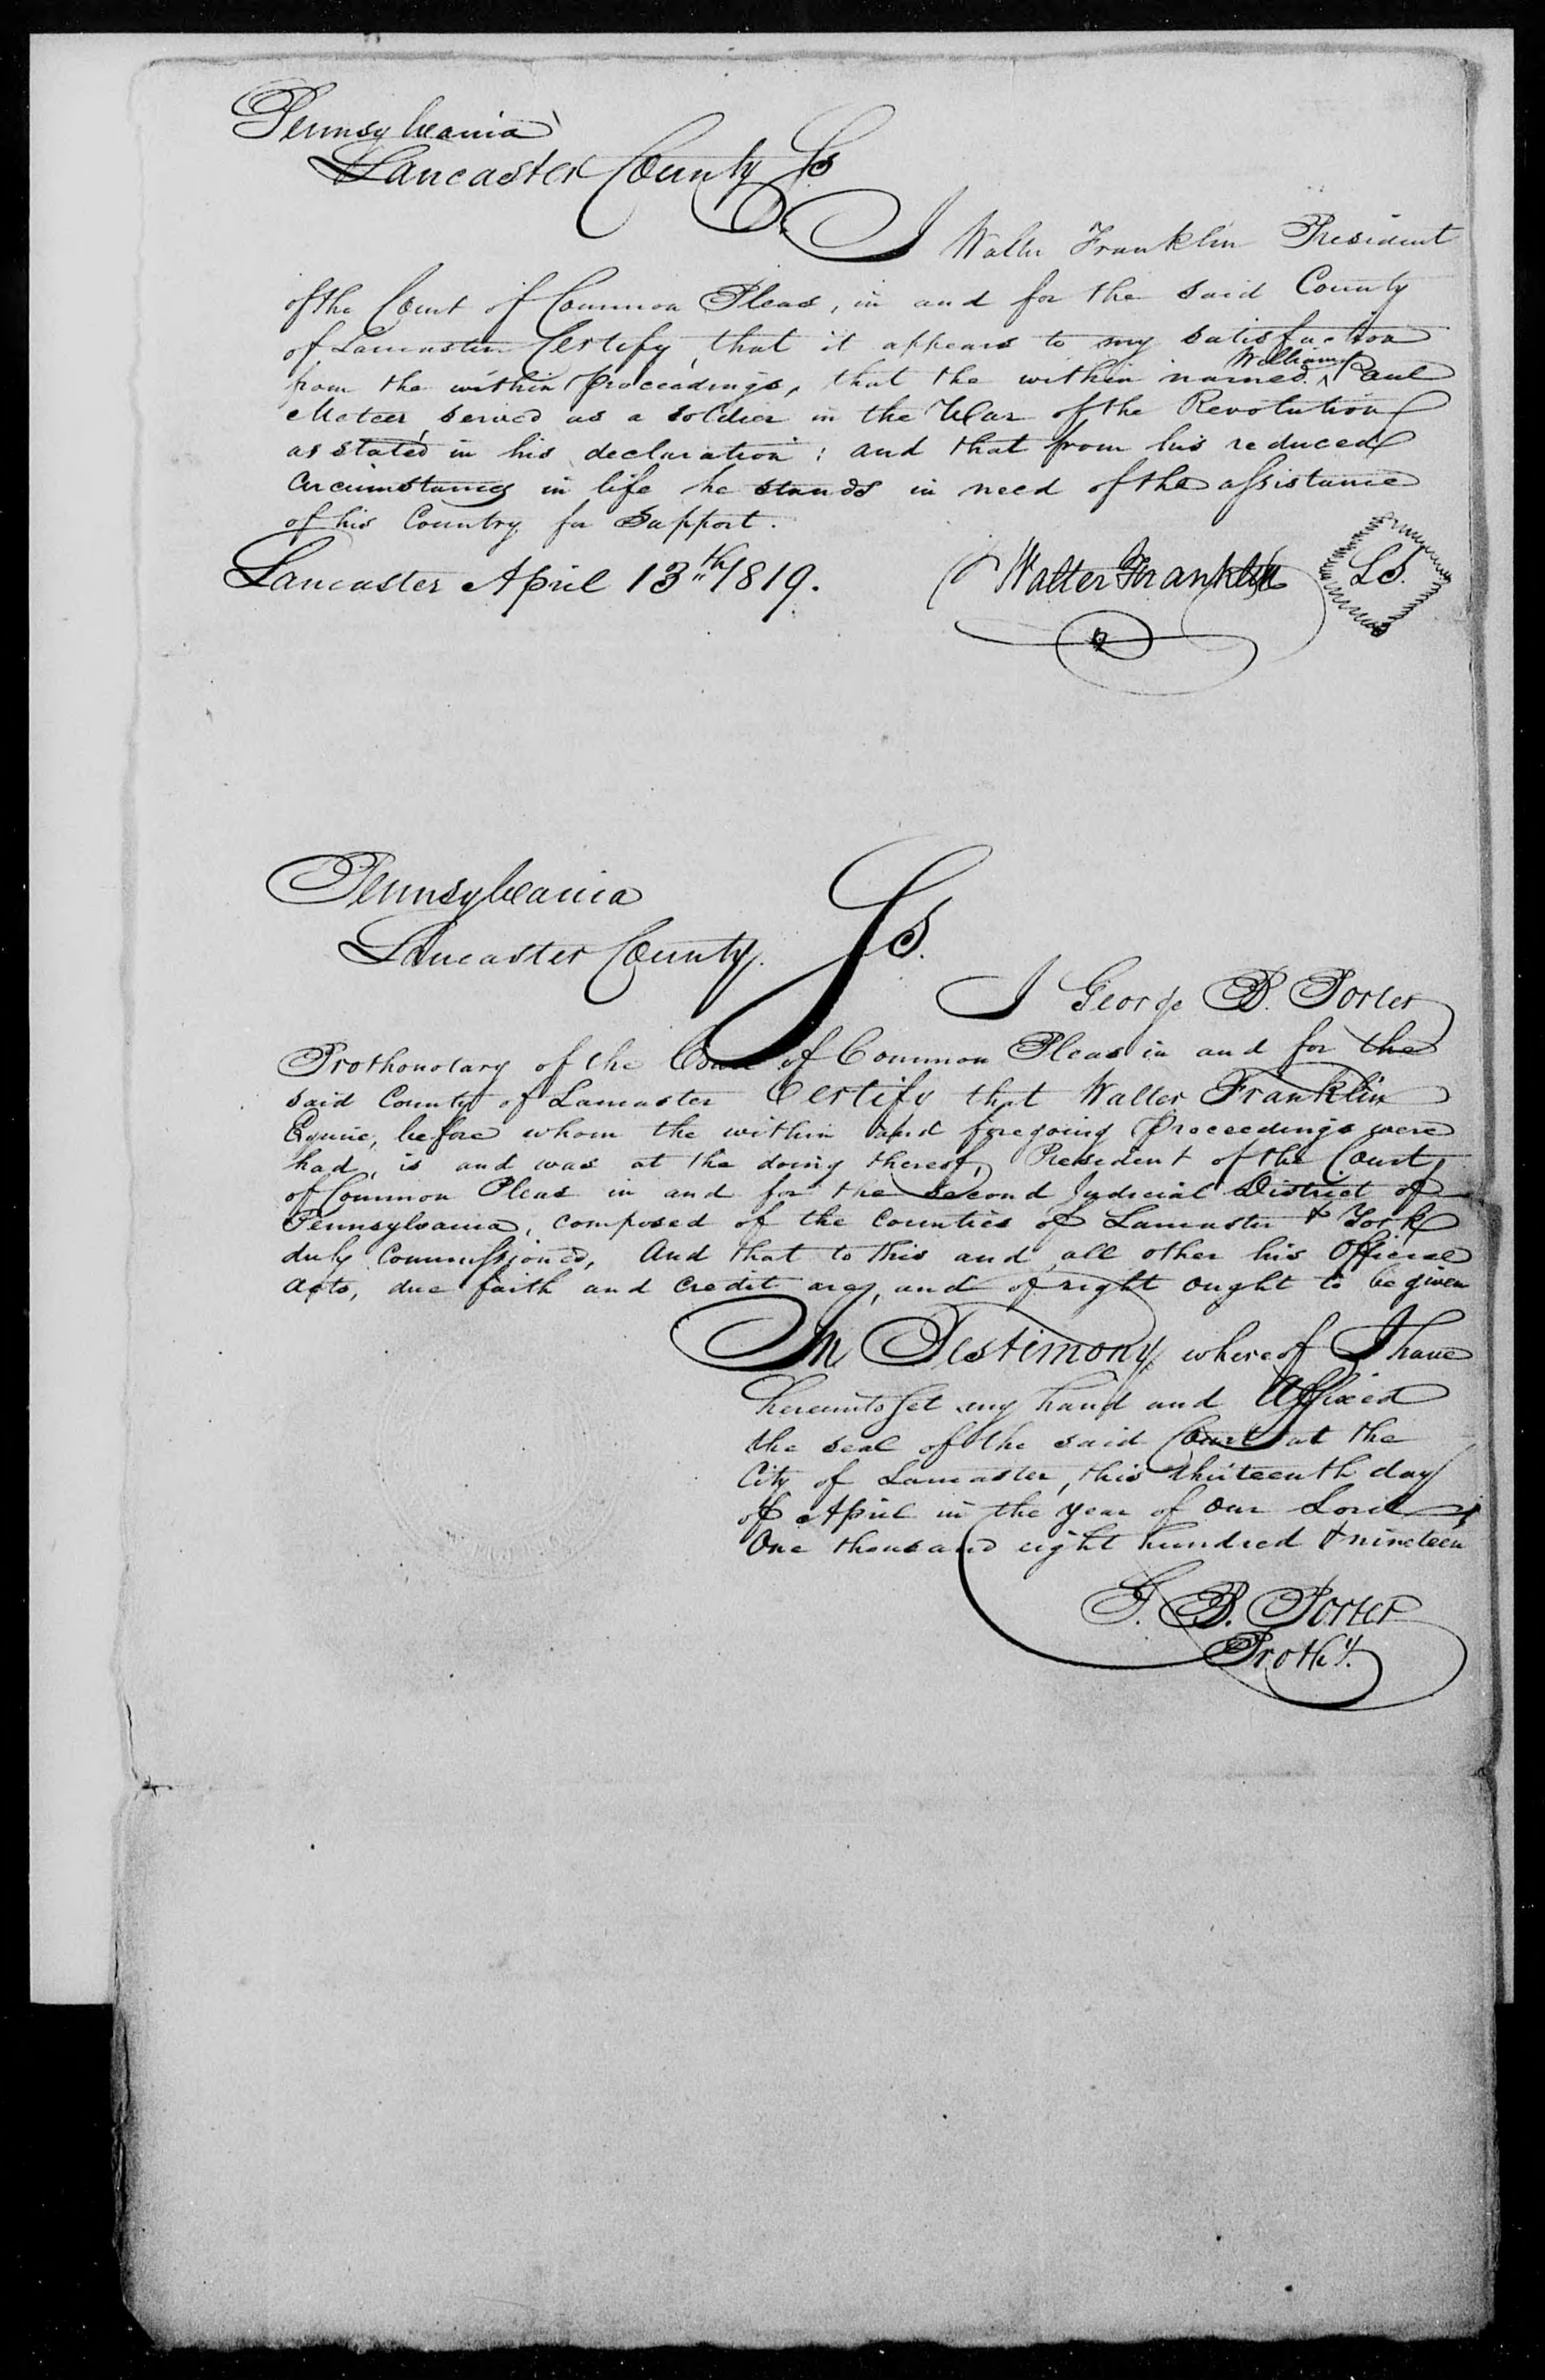Pennsylvania
Lancaster County ss

    I Walter Franklin President of the Court of Common Pleas in and for the said county of Lancanster Certify that it appeared to my satisfaction from the within proceedings, that the within named William Paul Mateer served as a soldier in the War of the Revolution as stated in his declaration and that from his recued circumstances in life he stands in need of the assistance of his country for support. 
      
                                            //s//
                                   Walter franklin
Lancaster April 13th 1819.

Pennsylvania
Lancaster County ss

    I George B. Porter Prothonotary of the Court of Common Pleas and for the said county of Lancaster certify that Waller Franklin Esquire, before whom the within the foregoing proceedings were had, is and was at the doing thereof, President of the Court of Common Pleas in and for the Second Judicial District of Pennsylvania composed of the counties of Lancaster & York duly commissioned, and that to this and all other his official acts due faith and credit are and of right ought to be given.

    In testimony where of I have thereunto set my hand and affixed the seal of the said Court at the City of Lancaster, this thirteenth day of April in the year of our Lord one thousand eight hundred & nineteen.

                                   //s//
                           G. B. Porter
                                      Prothon.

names: Walter Franklin; George B Porter; Paul Meteer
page: 4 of 14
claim: survivor's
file: S. 40242, for William Palmiteer, Pennsylvania